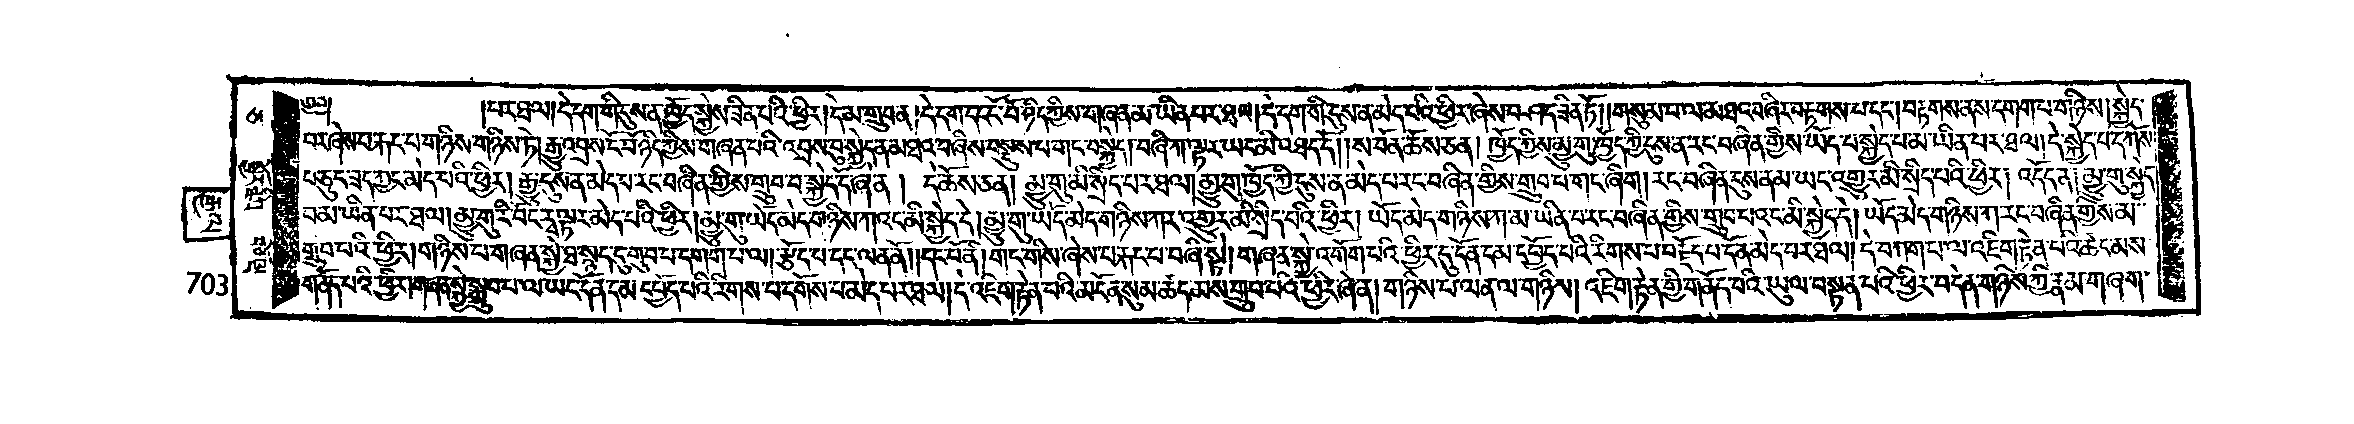༄༅། །པར་ཐལ། དེ་དག་གི་དུས་ན་ཁྱོད་སྐྱེས་ཟིན་པའི་ཕྱིར། དེ་མ་གྲུབ་ན། དེ་དག་དང་ངོ་བོ་ཉིད་ཀྱིས་གཞན་མ་ཡིན་པར་ཐལ། དེ་དག་གི་དུས་ན་མེད་པའི་ཕྱིར་ཞེས་བཤད་ཟིན་ཏོ། །གསུམ་པ་ལ་མཐའ་བཞིར་བརྟགས་པ་དང་། བརྟགས་ནས་དགག་པ་གཉིས། སྐྱེད་
བར་ཞེས་པ་རྐང་པ་གཉིས་གཉིས་ཏེ། རྒྱུ་འབྲས་ངོ་བོ་ཉིད་ཀྱིས་གཞན་པའི་འབྲས་བུ་སྐྱེད་ན་མཐའ་བཞིས་བསྡུས་པ་གང་བསྐྱེད། བཞི་ཀ་ལྟར་ཡང་མི་འཐད་དོ། །ས་བོན་ཆོས་ཅན། ཁྱོད་ཀྱིས་མྱུ་གུ་ཁྱོད་ཀྱི་དུས་ན་རང་བཞིན་གྱིས་ཡོད་པ་སྐྱེད་པ་མ་ཡིན་པར་ཐལ། དེ་སྐྱེད་པ་དགོས་
པ་ཅུང་ཟད་ཀྱང་མེད་པའི་ཕྱིར། རྒྱུ་དུས་ན་མེད་པ་རང་བཞིན་གྱིས་གྲུབ་པ་སྐྱེད་དོ་ཞེ་ན། དེ་ཆོས་ཅན། མྱུ་གུ་མི་སྲིད་པར་ཐལ། མྱུ་གུ་ཁྱོད་ཀྱི་དུས་ན་མེད་པ་རང་བཞིན་གྱིས་གྲུབ་པ་གང་ཞིག། རང་བཞིན་དུས་ནམ་ཡང་འགྱུར་མི་སྲིད་པའི་ཕྱིར། འདོད་ན། མྱུ་གུ་སྐྱེད་
བ་མ་ཡིན་པར་ཐལ། མྱུ་གུ་རི་བོང་རྭ་ལྟར་མེད་པའི་ཕྱིར། མྱུ་གུ་ཡོད་མེད་གཉིས་ཀའང་མི་སྐྱེད་དེ། མྱུ་གུ་ཡོད་མེད་གཉིས་ཀར་འགྱུར་མི་སྲིད་པའི་ཕྱིར། ཡོད་མེད་གཉིས་ཀ་མ་ཡིན་པ་རང་བཞིན་གྱིས་གྲུབ་པའང་མི་སྐྱེད་དེ། ཡོད་མེད་གཉིས་ཀ་རང་བཞིན་གྱིས་མ་
གྲུབ་པའི་ཕྱིར། གཉིས་པ་གཞན་སྐྱེ་ཐ་སྙད་དུ་གྲུབ་པ་དགག་པ་ལ། རྩོད་པ་དང་ལན་ནོ། །དང་པོ་ནི། གང་གིས་ཞེས་པ་རྐང་པ་བཞི་སྟེ། གཞན་སྐྱེ་འགོག་པའི་ཕྱིར་དུ་དོན་དམ་དཔྱོད་པའི་རིགས་པ་བརྗོད་པ་དོན་མེད་པར་ཐལ། དེ་བཀག་པ་ལ་འཇིག་རྟེན་པའི་ཚང་མས་
གནོད་པའི་ཕྱིར། གཞན་སྐྱེ་སྒྲུབ་པ་ལ་ཡང་དོན་དམ་དཔྱོད་པའི་རིགས་པ་དགོས་པ་མེད་པར་ཐལ། དེ་འཇིག་རྟེན་པའི་མངོན་སུམ་ཚད་མས་གྲུབ་པའི་ཕྱིར་ཞེ་ན། གཉིས་པ་ལན་ལ་གཉིས། འཇིག་རྟེན་གྱི་གནོད་པའི་ཡུལ་བསྟན་པའི་ཕྱིར་བདེན་གཉིས་ཀྱི་རྣམ་གཞག་